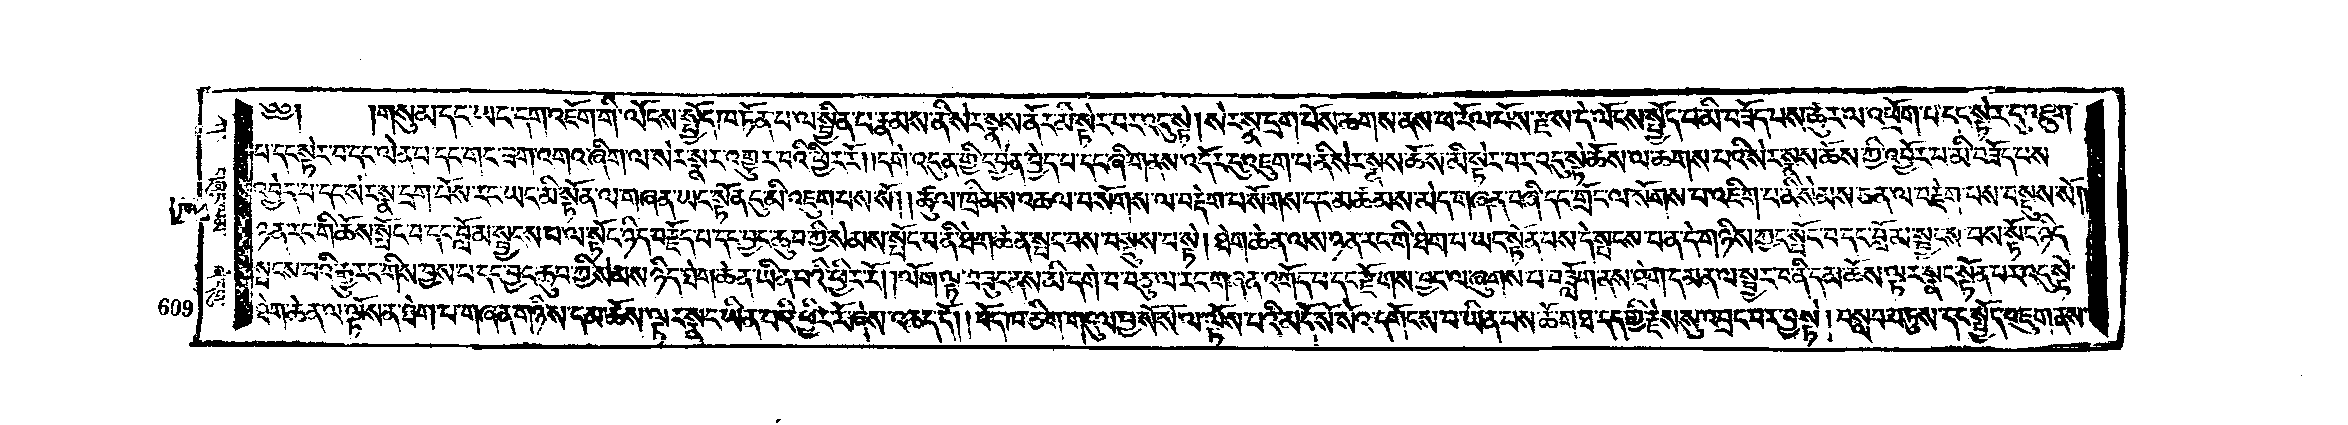༄༅། །གསུམ་དང་ཡང་དག་འཇོག་གི་ལོངས་སྤྱོད་ཁ་ཏོན་པ་ལ་སྦྱིན་པ་རྣམས་ནི་སེར་སྣས་ནོར་མི་སྟེར་བར་འདུ་སྟེ། སེར་སྣ་དྲག་པོས་ཆགས་ནས་ཕ་རོལ་པོས་རྫས་དེ་ལོངས་སྤྱོད་པ་མི་བཟོད་པས་ཚུར་ལ་འཕྲོག་པ་དང་སྟེར་དུ་འཇུག་
པ་དང་སྟེར་བ་དང་ལེན་པ་དང་གང་ཟག་འགའ་ཞིག་ལ་སེར་སྣར་འགྱུར་བའི་ཕྱིར་རོ། །དགེ་འདུན་གྱི་དབྱེན་བྱེད་པ་དང་ཞི་གནས་འདོར་དུ་འཇུག་པ་ནི་སེར་སྣས་ཆོས་མི་སྟེར་བར་འདུ་སྟེ་ཆོས་ལ་ཆགས་པའི་སེར་སྣས་ཆོས་ཀྱི་འབྱོར་པ་མི་བཟོད་པས་
འབྱེད་པ་དང་སེར་སྣ་དྲག་པོས་རང་ཡང་མི་སྟོན་ལ་གཞན་ཡང་སྟོན་དུ་མི་འཇུག་པས་སོ། །ཚུལ་ཁྲིམས་འཆལ་བ་སོགས་ལ་བརྡེག་པ་སོགས་དང་མཚམས་མེད་གཞན་བཞི་དང་གྲོང་ལ་སོགས་པ་འཇིག་པ་ནི་སེམས་ཅན་ལ་བརྗེག་པས་བསྡུས་སོ།།
ཉན་རང་གི་ཆོས་སྤོང་བ་དང་བློ་མ་སྦྱངས་པ་ལ་སྟོང་ཉིད་བརྗོད་པ་དང་བྱང་ཆུབ་ཀྱི་སེམས་སྤོང་བ་ནི་ཐེག་ཆེན་སྤང་བས་བསྡུས་པ་སྟེ། ཐེག་ཆེན་ལས་ཉན་རང་གི་ཐེག་པ་ཡང་སྟོན་པས་དེ་སྤངས་པ་ན་དེ་གཉིས་ཀྱང་སྤོང་བ་དང་བློ་མ་སྦྱངས་པས་སྟོང་ཉིད་
སྤངས་པའི་རྒྱུ་རང་གིས་བྱས་པ་དང་བྱང་ཆུབ་ཀྱི་སེམས་ཉིད་ཐེག་ཆེན་ཡིན་པའི་ཕྱིར་རོ། །ལོག་ལྟ་བཟུང་ནས་མི་དགེ་བ་བཅུ་ལ་རང་གཞན་འགོད་པ་དང་རྫོགས་བྱང་ལ་ཞུགས་པ་བཟློག་ནས་ཐེག་དམན་ལ་སྦྱར་བ་ནི་དམ་ཆོས་ལྟར་སྣང་སྟོན་པར་འདུ་སྟེ་
ཐེག་ཆེན་ལ་ལྟོས་ན་ཐེག་པ་གཞན་གཉིས་དམ་ཆོས་ལྟར་སྣང་ཡིན་པའི་ཕྱིར་རོ་ཞེས་འཆད་དོ། །བོད་ཁ་ཅིག་གདུལ་བྱ་སོ་སོ་ལ་ལྟོས་པའི་མདོ་སོ་སོའི་དགོངས་པ་ཡིན་པས་ཆོ་ག་ཐ་དད་གྱི་རྗེས་སུ་འབྲང་བར་བྱ་སྟེ། བསླབ་བཏུས་དང་སྤྱོད་འཇུག་ནས་